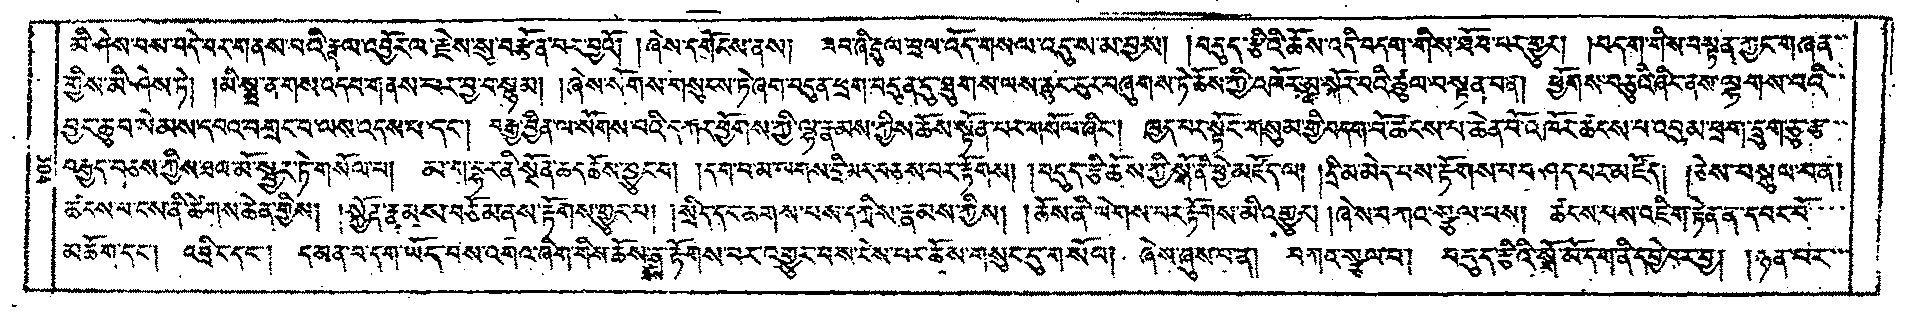མི་ཤེས་པས་བདེ་བར་གནས་པའི་རྣལ་འབྱོར་ལ་རྗེས་སུ་བརྩོན་པར་བྱའོ། །ཞེས་དགོངས་ནས། ཟབ་ཞི་རྡུལ་བྲལ་འོད་གསལ་འདུས་མ་བྱས། །བདུད་རྩིའི་ཆོས་འདི་བདག་གིས་ཐོབ་པར་གྱུར། །བདག་གིས་བསྟན་ཀྱང་གཞན་
གྱིས་མི་ཤེས་ཏེ། །མི་སྨྲ་ནགས་འདབ་གནས་པར་བྱ་བ་སྙམ། །ཞེས་སོགས་གསུངས་ཏེ་ཞག་བདུན་ཕྲག་བདུན་དུ་ཐུགས་ལས་ཆུང་ངུར་བཞུགས་ཏེ་ཆོས་ཀྱི་འཁོར་ལོ་མ་སྐོར་བའི་ཚུལ་བསྟན་པ་ན། ཕྱོགས་བཅུའི་ཞིང་ནས་ལྷགས་པའི་
བྱང་ཆུབ་སེམས་དཔའ་བགྲང་བ་ལས་འདས་པ་དང་། བརྒྱ་བྱིན་ལ་སོགས་པའི་དཀར་ཕྱོགས་ཀྱི་ལྷ་རྣམས་ཀྱིས་ཆོས་སྟོན་པར་གསོལ་ཞིང་། ཁྱད་པར་སྟོང་གསུམ་གྱི་བདག་པོ་ཚང་པ་ཆེན་པོ་འཁོར་ཚངས་པ་འབུམ་ཕྲག་དྲུག་ཅུ་རྩ་
བརྒྱད་བཅས་ཀྱིས་ཐལ་མོ་སྦྱར་ཏེ་གསོལ་པ། མ་ག་དྷར་ནི་སྔོན་ཆད་ཆོས་བྱུང་བ། །དག་པ་མ་ལགས་དྲི་མར་བཅས་པར་རྟོགས། །བདུད་རྩི་ཆོས་ཀྱི་སྒོ་ནི་ཕྱེ་མཛོད་ལ། །དྲི་མ་མེད་པས་རྟོགས་པ་བཤད་པར་མཛོད། །ཅེས་བསྐུལ་བ་ན།
ཚངས་པ་ངས་ནི་ཚེགས་ཆེན་གྱིས། །སྐྱོན་རྣམས་བཅོམ་ནས་རྟོགས་གྱུར་པ། །སྲིད་དང་ཆགས་པས་དཀྲིས་རྣམས་ཀྱིས། །ཆོས་ནི་ལེགས་པར་རྟོགས་མི་འགྱུར། །ཞེས་བཀའ་སྩལ་པས། ཚངས་པས་འཇིག་རྟེན་ན་དབང་པོ་
མཆོག་དང་། འབྲིང་དང་། དམན་པ་དག་ཡོད་པས་འགའ་ཞིག་གིས་ཆོས་ཐོས་ན་རྟོགས་པར་འགྱུར་བས་ངེས་པར་ཆོས་གསུང་དུ་གསོལ། ཞེས་ཞུས་པ་ན། བཀའ་སྩལ་པ། བདུད་རྩིའི་སྒོ་མོ་དག་ནི་དབྱེ་བར་བྱ། །ཉན་བར་